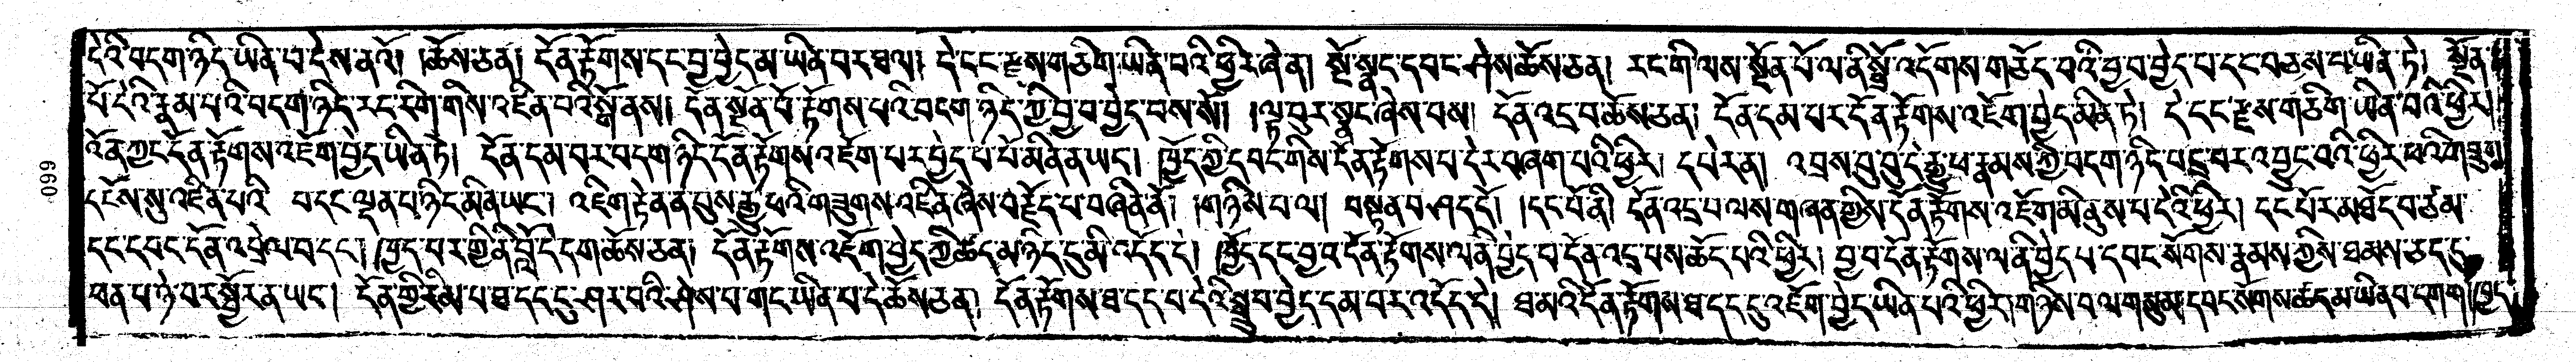དེའི་བདག་ཉིད་ཡིན་པ་དེས་ནའོ། །ཆོས་ཅན། དོན་རྟོགས་དང་བྱ་བྱེད་མ་ཡིན་བར་ཐལ། དེ་དང་རྫས་གཅིག་ཡིན་བའི་ཕྱིར་ཞེ་ན། སྔོ་སྣང་དབང་ཤེས་ཆོས་ཅན། རང་གི་ལས་སྔོན་པོ་ལ་ནི་སྒྲོ་འདོགས་གཅོད་པའི་བྱ་བ་བྱེད་པ་དང་བཅས་པ་ཡིན་ཏེ། སྔོན་
པོ་དེའི་རྣམ་པའི་བདག་ཉིད་རང་རིག་གིས་འཛིན་པའི་སྒོ་ནས། དོན་སྔོན་པོ་རྟོགས་པའི་བདག་ཉིད་ཀྱི་བྱ་བ་བྱེད་བས་སོ། །ལྟ་བུར་སྣང་ཞེས་བས། དོན་འདྲ་བ་ཆོས་ཅན། དོན་དམ་པར་དོན་རྟོགས་འཇོག་བྱེད་མིན་ཏེ། དེ་དང་རྫས་གཅིག་ཡིན་བའི་ཕྱིར།
འོན་ཀྱང་དོན་རྟོགས་འཇོག་བྱེད་ཡིན་ཏེ། དོན་དམ་བར་བདག་ཉིད་དོན་རྟོགས་འཇོག་པར་བྱེད་པ་པོ་མིན་ན་ཡང་། ཁྱོད་ཀྱི་དབང་གིས་དོན་རྟོགས་པ་དེར་བཞག་པའི་ཕྱིར། དཔེར་ན། འབྲས་བུ་བུ་དེ་རྒྱུ་ཕ་རྣམས་ཀྱི་བདག་ཉིད་བདྲ་བར་འབྱུང་བའི་ཕྱིར་ཕའི་གཟུགས་
དངོས་སུ་འཛིན་པའི་བ་དང་ལྡན་པ་ཉིད་མིན་ཡང་། འཇིག་རྟེན་ན་བུས་རྒྱུ་ཕའི་གཟུགས་འཛིན་ཞེས་བརྗོད་པ་བཞིན་ནོ། །གཉིས་པ་ལ། བསྟན་བཤད་དོ། །དང་པོ་ནི། དོན་འདྲ་བ་ལས་གཞན་གྱིས་དོན་རྟོགས་འཇོག་མི་ནུས་པ་དེའི་ཕྱིར། དང་པོར་མཐོད་བ་ཙམ་
དང་དབང་དོན་འབྲེལ་བ་དང་། ཁྱད་པར་གྱི་ནི་བློ་དེ་དག་ཆོས་ཅན། དོན་རྟོགས་འཇོག་བྱེད་ཀྱི་ཚད་མ་ཉིད་དུ་མི་འདོད་དེ། ཁྱོད་དང་བྱ་བ་འདོན་རྟོགས་ལ་ནི་བྱེད་བ་དོན་འདྲ་བས་ཆོད་པའི་ཕྱིར། བྱ་བ་དོན་རྟོགས་ལ་ནི་བྱེད་པ་དབང་སོགས་རྣམས་ཀྱིས་ཐམས་ཅད་དུ་
ཕན་པ་ཉེ་བར་སྦྱོར་ན་ཡང་། དོན་གྱི་རིམ་པ་ཐ་དད་དུ་ཤར་བའི་ཤེས་པ་གང་ཡིན་པ་དེ་ཆོས་ཅན། དོན་རྟོགས་ཐ་དད་པ་དེའི་སྒྲུབ་བྱེད་དམ་བར་འདོད་དེ། ཐ་མའི་དོན་རྟོགས་ཐ་དད་དུ་འཇོག་བྱེད་ཡིན་པའི་ཕྱིར། གཉིས་པ་ལ་གསུམ། དབང་སོགས་ཚད་མ་ཡིན་པ་དགག། ཁྱད་